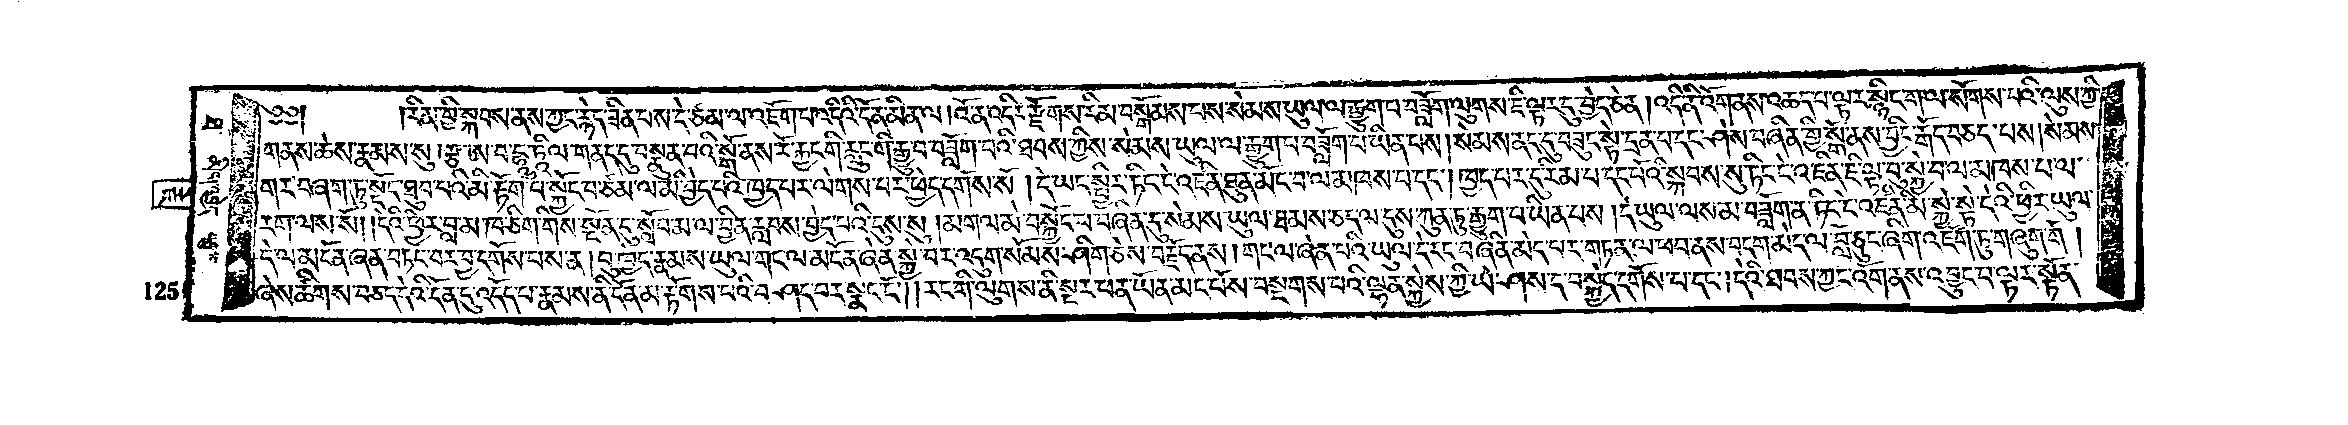༄༅། །རིམ་གྱི་སྐབས་ནས་ཀྱང་རྙེད་ཟིན་པས་དེ་ཙམ་ལ་འཇོག་པ་འདིའི་དོན་མིན་ལ། འོ་ན་འདིར་རྫོགས་རིམ་བསྒོམས་པས་སེམས་ཡུལ་ལ་རྒྱུག་པ་བཟློག་ལུགས་ཇི་ལྟར་དུ་བྱེད་ཅེན། འདི་ནི་འོག་ནས་འཆད་པ་ལྟར་སྙིང་ག་ལ་སོགས་པའི་ལུས་ཀྱི་
གནས་ཆེས་རྣམས་སུ། རྩ་ཨ་བ་དྷཱུ་ཏཱི་ལ་གནད་དུ་བསྣུན་པའི་སྒོ་ནས་རོ་རྐྱང་གི་རླུང་གི་རྒྱུ་བ་བཟློག་པའི་ཐབས་ཀྱིས་སེམས་ཡུལ་ལ་རྒྱུག་པ་བཟློག་པ་ཡིན་པས། སེམས་ནང་དུ་བཟུང་སྟེ་དྲན་པ་དང་ཤེས་བཞིན་གྱི་སྒོ་ནས་བྱིང་རྒོད་བཅད་པས། སེམས་
གར་བཞག་ཏུ་སྡོང་ཐུབ་པའི་མི་རྟོག་པ་སྐྱོང་བ་ཙམ་ལ་མི་བྱེད་པའི་ཁྱད་པར་ལེགས་པར་ཕྱེད་དགོས་སོ། དེ་ཡང་སྤྱིར་ཏིང་ངེ་འཛིན་ཐུན་མོང་བ་ལ་མཁས་པ་དང་། ཁྱད་པར་དུ་རིམ་པ་དང་པོའི་སྐབས་སུ་ཏིང་ངེ་འཛིན་ཇི་ལྟ་བུ་སྐྱེ་བ་ལ་མཁས་པ་ལ་
རག་ལས་སོ། །དེའི་ཕྱིར་བླ་མ་ཁ་ཅིག་གིས་སྔོན་དུ་སློབ་མ་ལ་བྱིན་རླབས་བྱེད་པའི་དུས་སུ། མགལ་མེ་བསྐྱོང་པ་བཞིན་དུ་སེམས་ཡུལ་ཐམས་ཅད་ལ་དུས་ཀུན་ཏུ་རྒྱུག་པ་ཡིན་པས། དེ་ཡུལ་ལས་མ་བཟློག་ན་ཏིང་ངེ་འཛིན་མི་སྐྱེ་སྟེ་དེའི་ཕྱིར་ཡུལ་
དེ་ལ་མངོན་ཞན་བཏང་བར་བྱ་དགོས་པས་ན། བུ་ཁྱེད་རྣམས་ཡུལ་གང་ལ་མངོན་ཞེན་སྐྱེ་བར་འདུག་སོམས་ཤིག་ཅེས་བརྗོད་ནས། གང་ལ་ཞེན་པའི་ཡུལ་དེ་རང་བཞིན་མེད་པར་གཏན་ལ་ཕབ་ནས་བདག་མེད་ལ་བློ་ཅུང་ཞིག་འཇོག་ཏུ་གཞུག་གོ །
ཞེས་ཚིགས་བཅད་དེའི་དོན་དུ་འདོད་པ་རྣམས་ནི་དོན་མ་རྟོགས་པའི་བཤད་པར་སྣང་ངོ། །རང་གི་ལུགས་ནི་སྔར་ཕན་ཡོན་མང་པོས་བསྔགས་པའི་ལྷན་སྐྱེས་ཀྱི་ཡེ་ཤེས་དེ་བསྐྱེད་དགོས་པ་དང་། དེའི་ཐབས་ཀྱང་འོག་ནས་འབྱུང་བ་ལྟར་སྟོན་